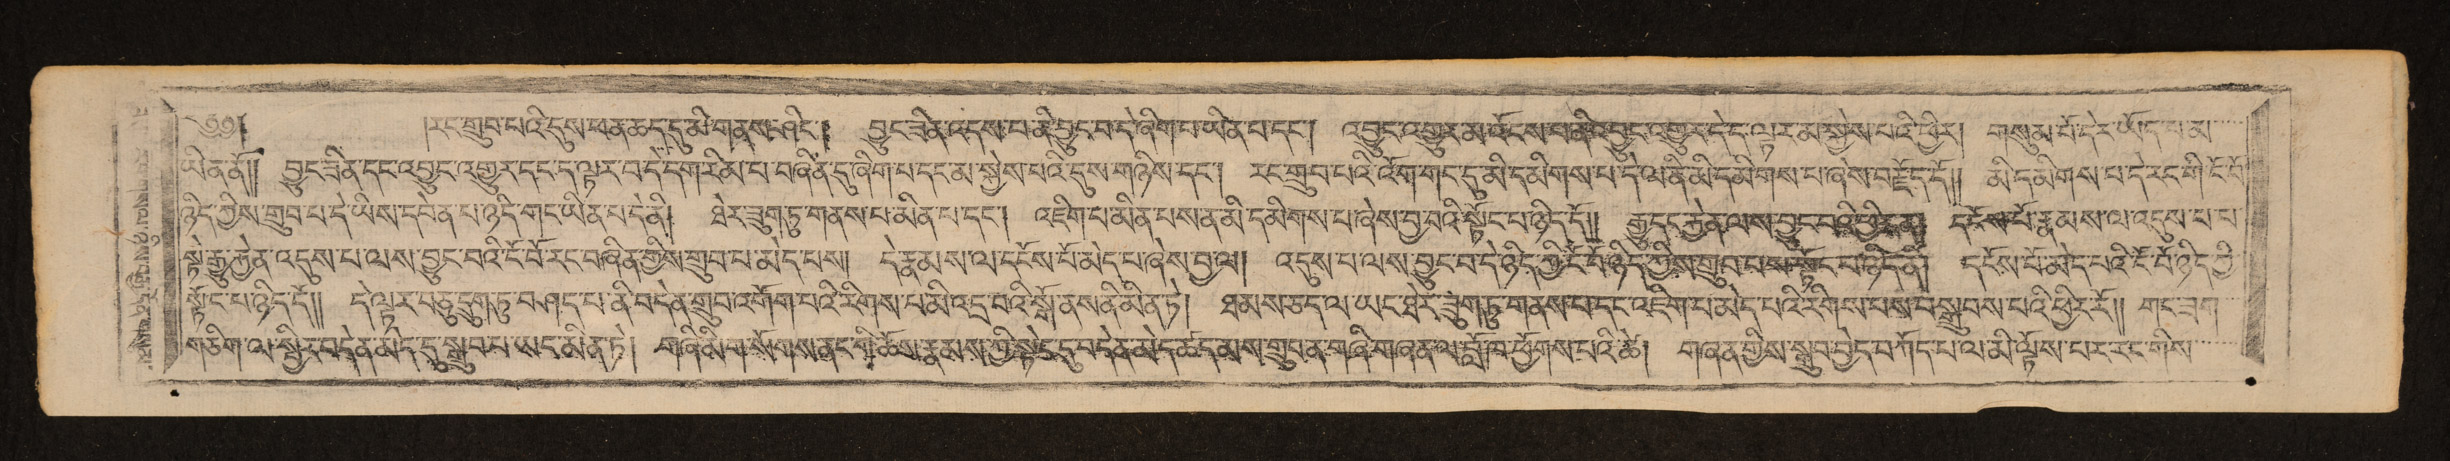༄༅། །རང་གྲུབ་པའི་དུས་ཕན་ཆད་དུ་མི་གནས་ཤིང་། བྱུང་ཟིན་འདས་པ་ནི་བྱུང་བ་དེ་ཞིག་པ་ཡིན་པ་དང་འབྱུང་འགྱུར་མ་འོངས་པ་ནི་འབྱུང་འགྱུར་དེ་ད་ལྟར་མ་སྐྱེས་པའི་ཕྱིར། གསུམ་པོ་དེར་ཡོད་པ་མ་
ཡིན་ནོ།། བྱུང་ཟིན་དང་འབྱུང་འགྱུར་དང་ད་ལྟར་བ་དེ་དག་རིམ་པ་བཞིན་དུ་ཞིག་པ་དང་མ་སྐྱེས་པའི་དུས་གཉིས་དང་། རང་གྲུབ་པའི་འོག་གང་དུ་མི་དམིགས་པ་དེ་ལ་ནི་མི་དམིགས་པ་ཞེས་བརྗོད་དོ།། མི་དམིགས་པ་དེ་རང་གི་ངོ་བོ་
ཉིད་ཀྱིས་གྲུབ་པ་དེ་ཡིས་དབེན་པ་ཉིད་གང་ཡིན་པ་དེ་ནི། ཐེར་ཟུག་ཏུ་གནས་པ་མིན་པ་དང་། འཇིག་པ་མིན་པས་ན་མི་དམིགས་པ་ཞེས་བྱ་བའི་སྟོང་པ་ཉིད་དོ། རྒྱུ་དང་རྐྱེན་ལས་བྱུང་བའི་ཕྱིར་ན། དངོས་པོ་རྣམས་ལ་འདུས་པ་པ་
སྟེ་རྒྱུ་རྐྱེན་འདུས་པ་ལས་བྱུང་བའི་ངོ་བོ་རང་བཞིན་གྱིས་གྲུབ་པ་མེད་པས། དེ་རྣམས་ལ་དངོས་པོ་མེད་པ་ཞེས་བྱ་ལ། འདུས་པ་ལས་བྱུང་བ་དེ་ཉིད་ཀྱི་ངོ་བོ་ཉིད་ཀྱིས་གྲུབ་པས་སྟོང་པ་ཉིད་ནི། དངོས་པོ་མེད་པའི་ངོ་བོ་ཉིད་ཀྱི་
སྟོང་པ་ཉིད་དོ།། དེ་ལྟར་བཅུ་དྲུག་ཏུ་བཤད་པ་ནི་བདེན་གྲུབ་འགོག་པའི་རིགས་པ་མི་འདྲ་བའི་སྒོ་ནས་ནི་མིན་ཏེ། ཐམས་ཅད་ལ་ཡང་ཐེར་ཟུག་ཏུ་གནས་པ་དང་འཇིག་པ་མེད་པའི་རིགས་པས་བསྒྲུབས་པའི་ཕྱིར་རོ།། གང་ཟག་
གཅིག་ལ་སྤྱིར་བདེན་མེད་དུ་སྒྲུབ་པ་ཡང་མིན་ཏེ། གཞི་མིག་སོགས་ནང་གི་ཆོས་རྣམས་ཀྱི་སྟེང་དུ་བདེན་མེད་ཚད་མས་གྲུབ་ན་གཞི་གཞན་ལ་བློ་ཁ་ཕྱོགས་པའི་ཚེ། གཞན་གྱིས་སྒྲུབ་བྱེད་བཀོད་པ་ལ་མི་ལྟོས་པར་རང་གིས་